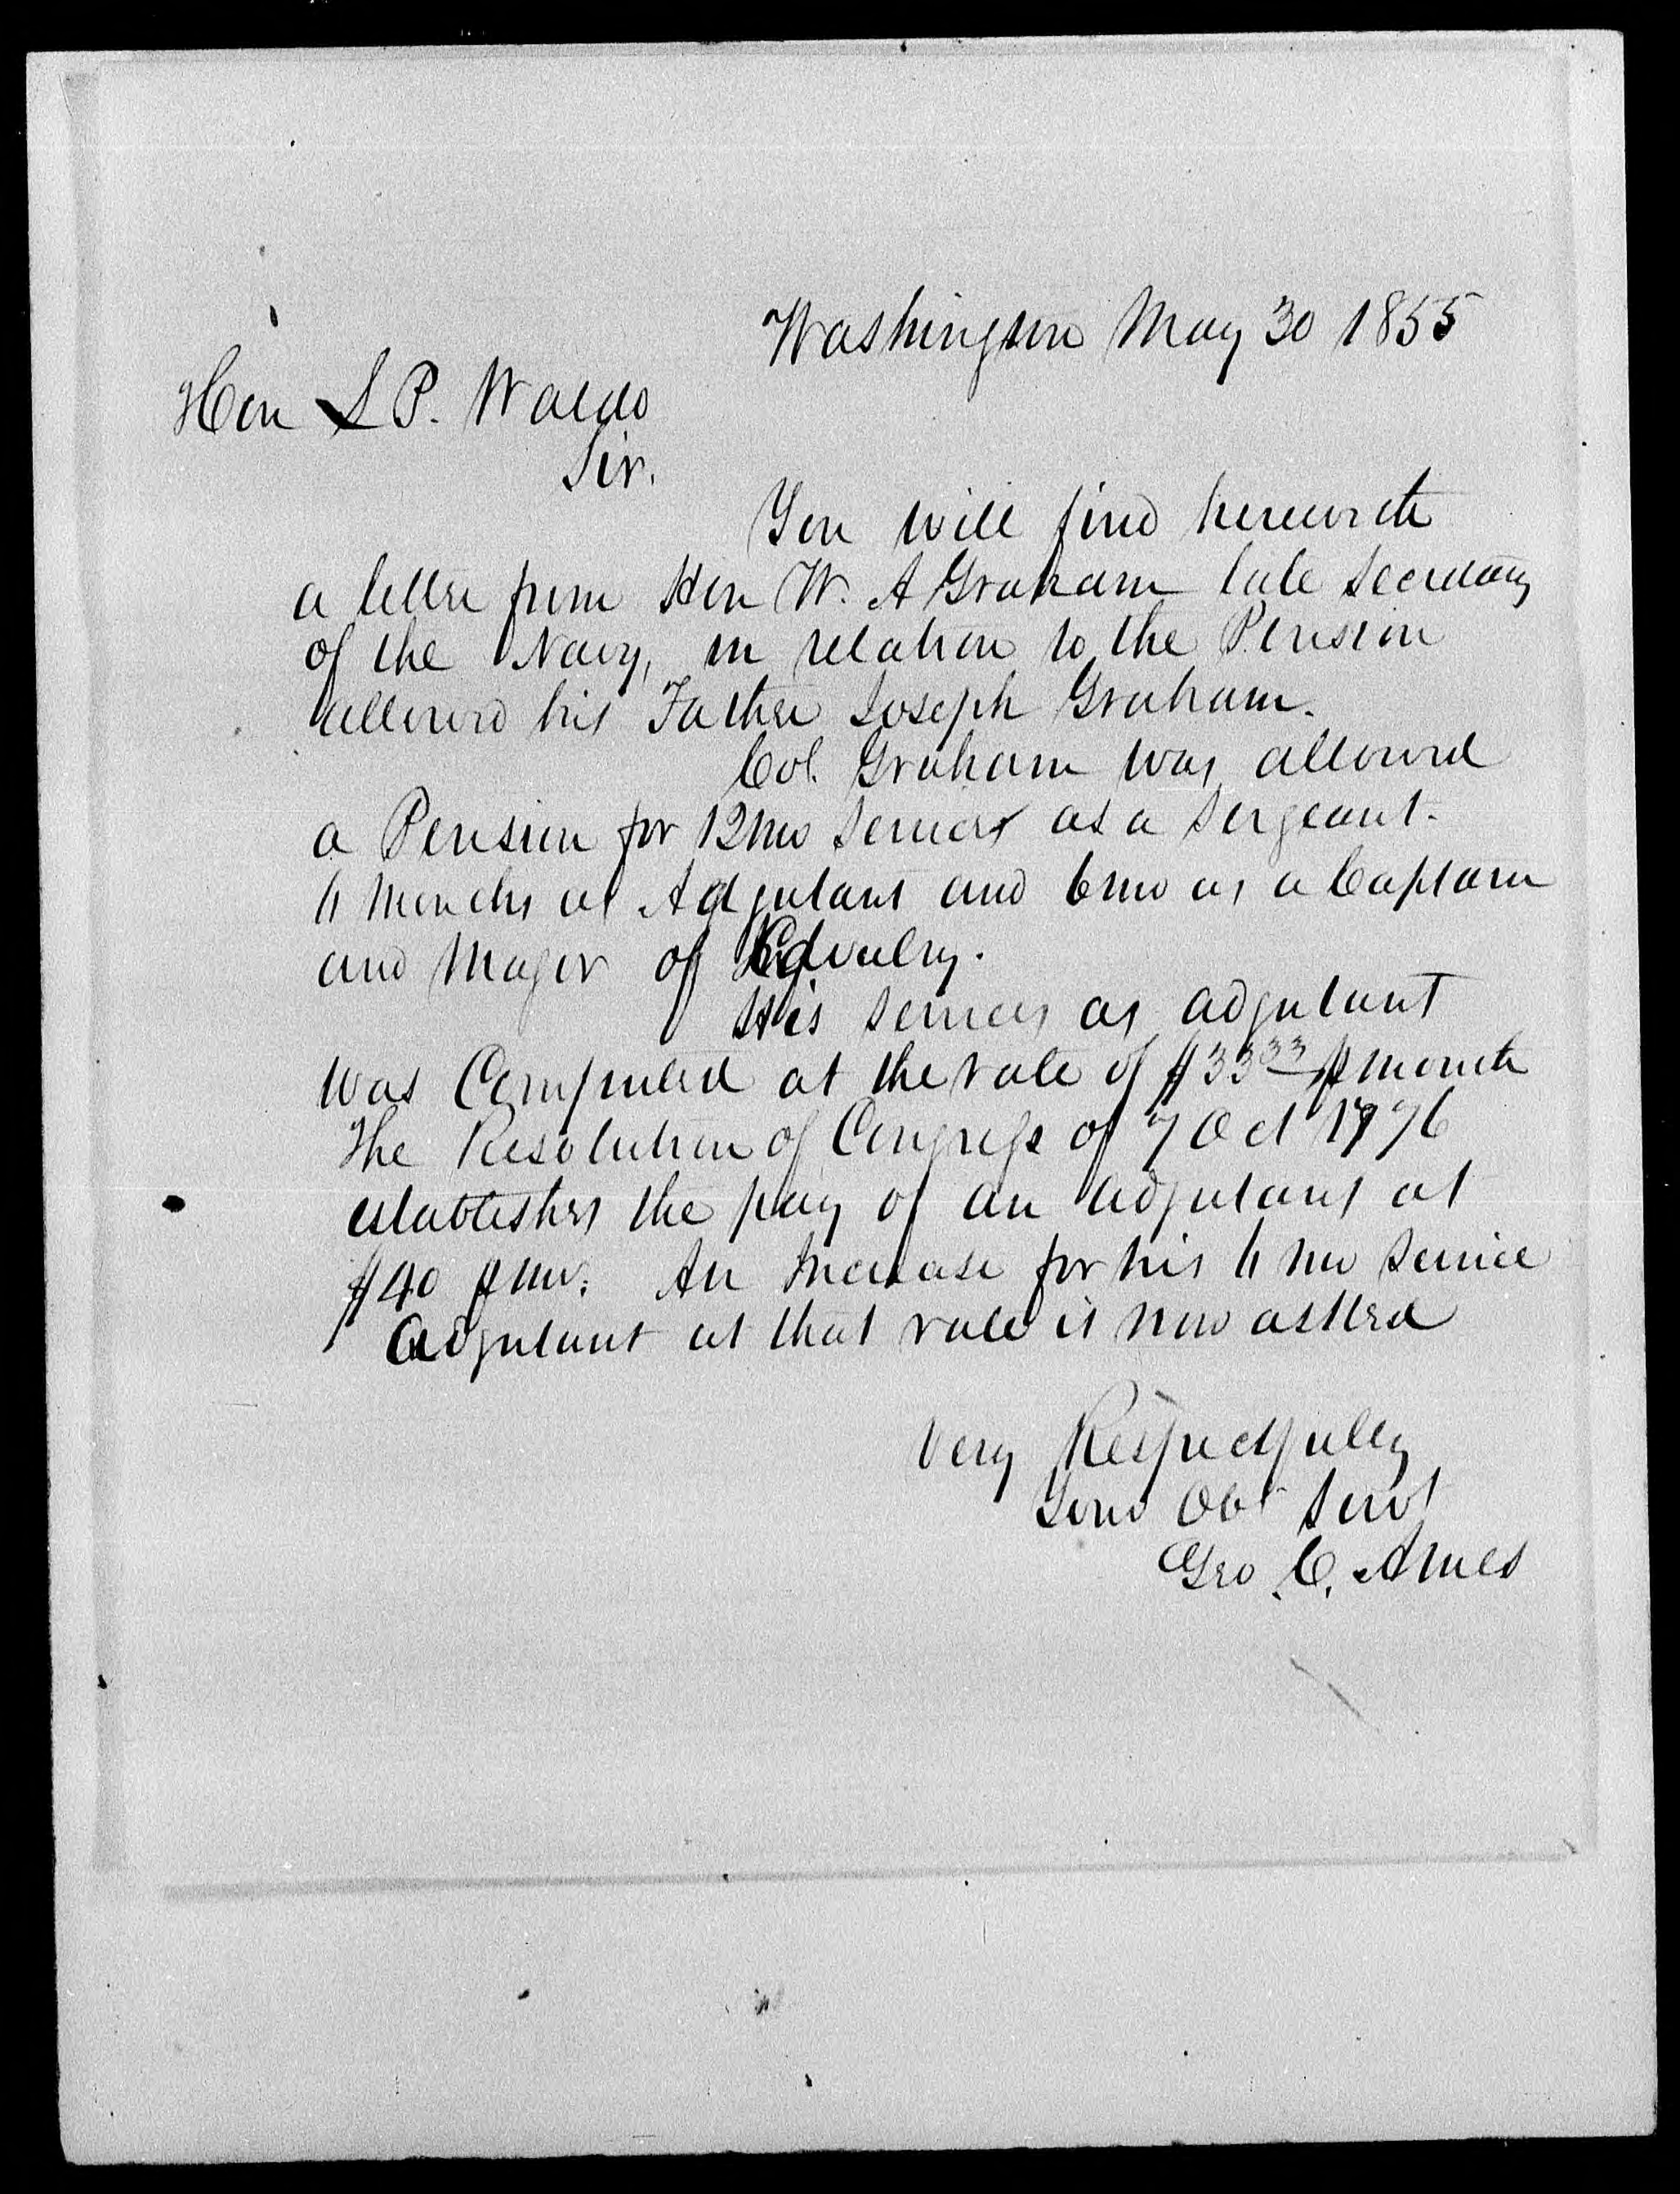Washington May 30 1855

Hon. L. P. Waldo

Sir,

You will find herewith a letter from Hon. W. A. Graham late Secretary of the Navy in relation to the Pension allowed his Father Joseph Graham.
Col. Graham was allowed a Pension for 12 mo. service as a sergeant 6 months as a Adjutant and 6 mos as a Captain and Major of Cavalry. His services as adjutant was conputed at the rate of $33.33 per month The Resolution of Course of 7 Oct. 1776 establishes the pay of an Adjutant at $40 per ann. An Increase for his 6 mos. service Adjutant at that rate is now asked.
Very Respectfully
Your Obt. Srvt.
Geo. C. Ames
[Signature]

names: Joseph Graham, Graham, Geo C Ames, L P Waldo, W A Graham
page: 46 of 55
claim: survivor's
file: S. 6,937, Joseph Graham, N.C.